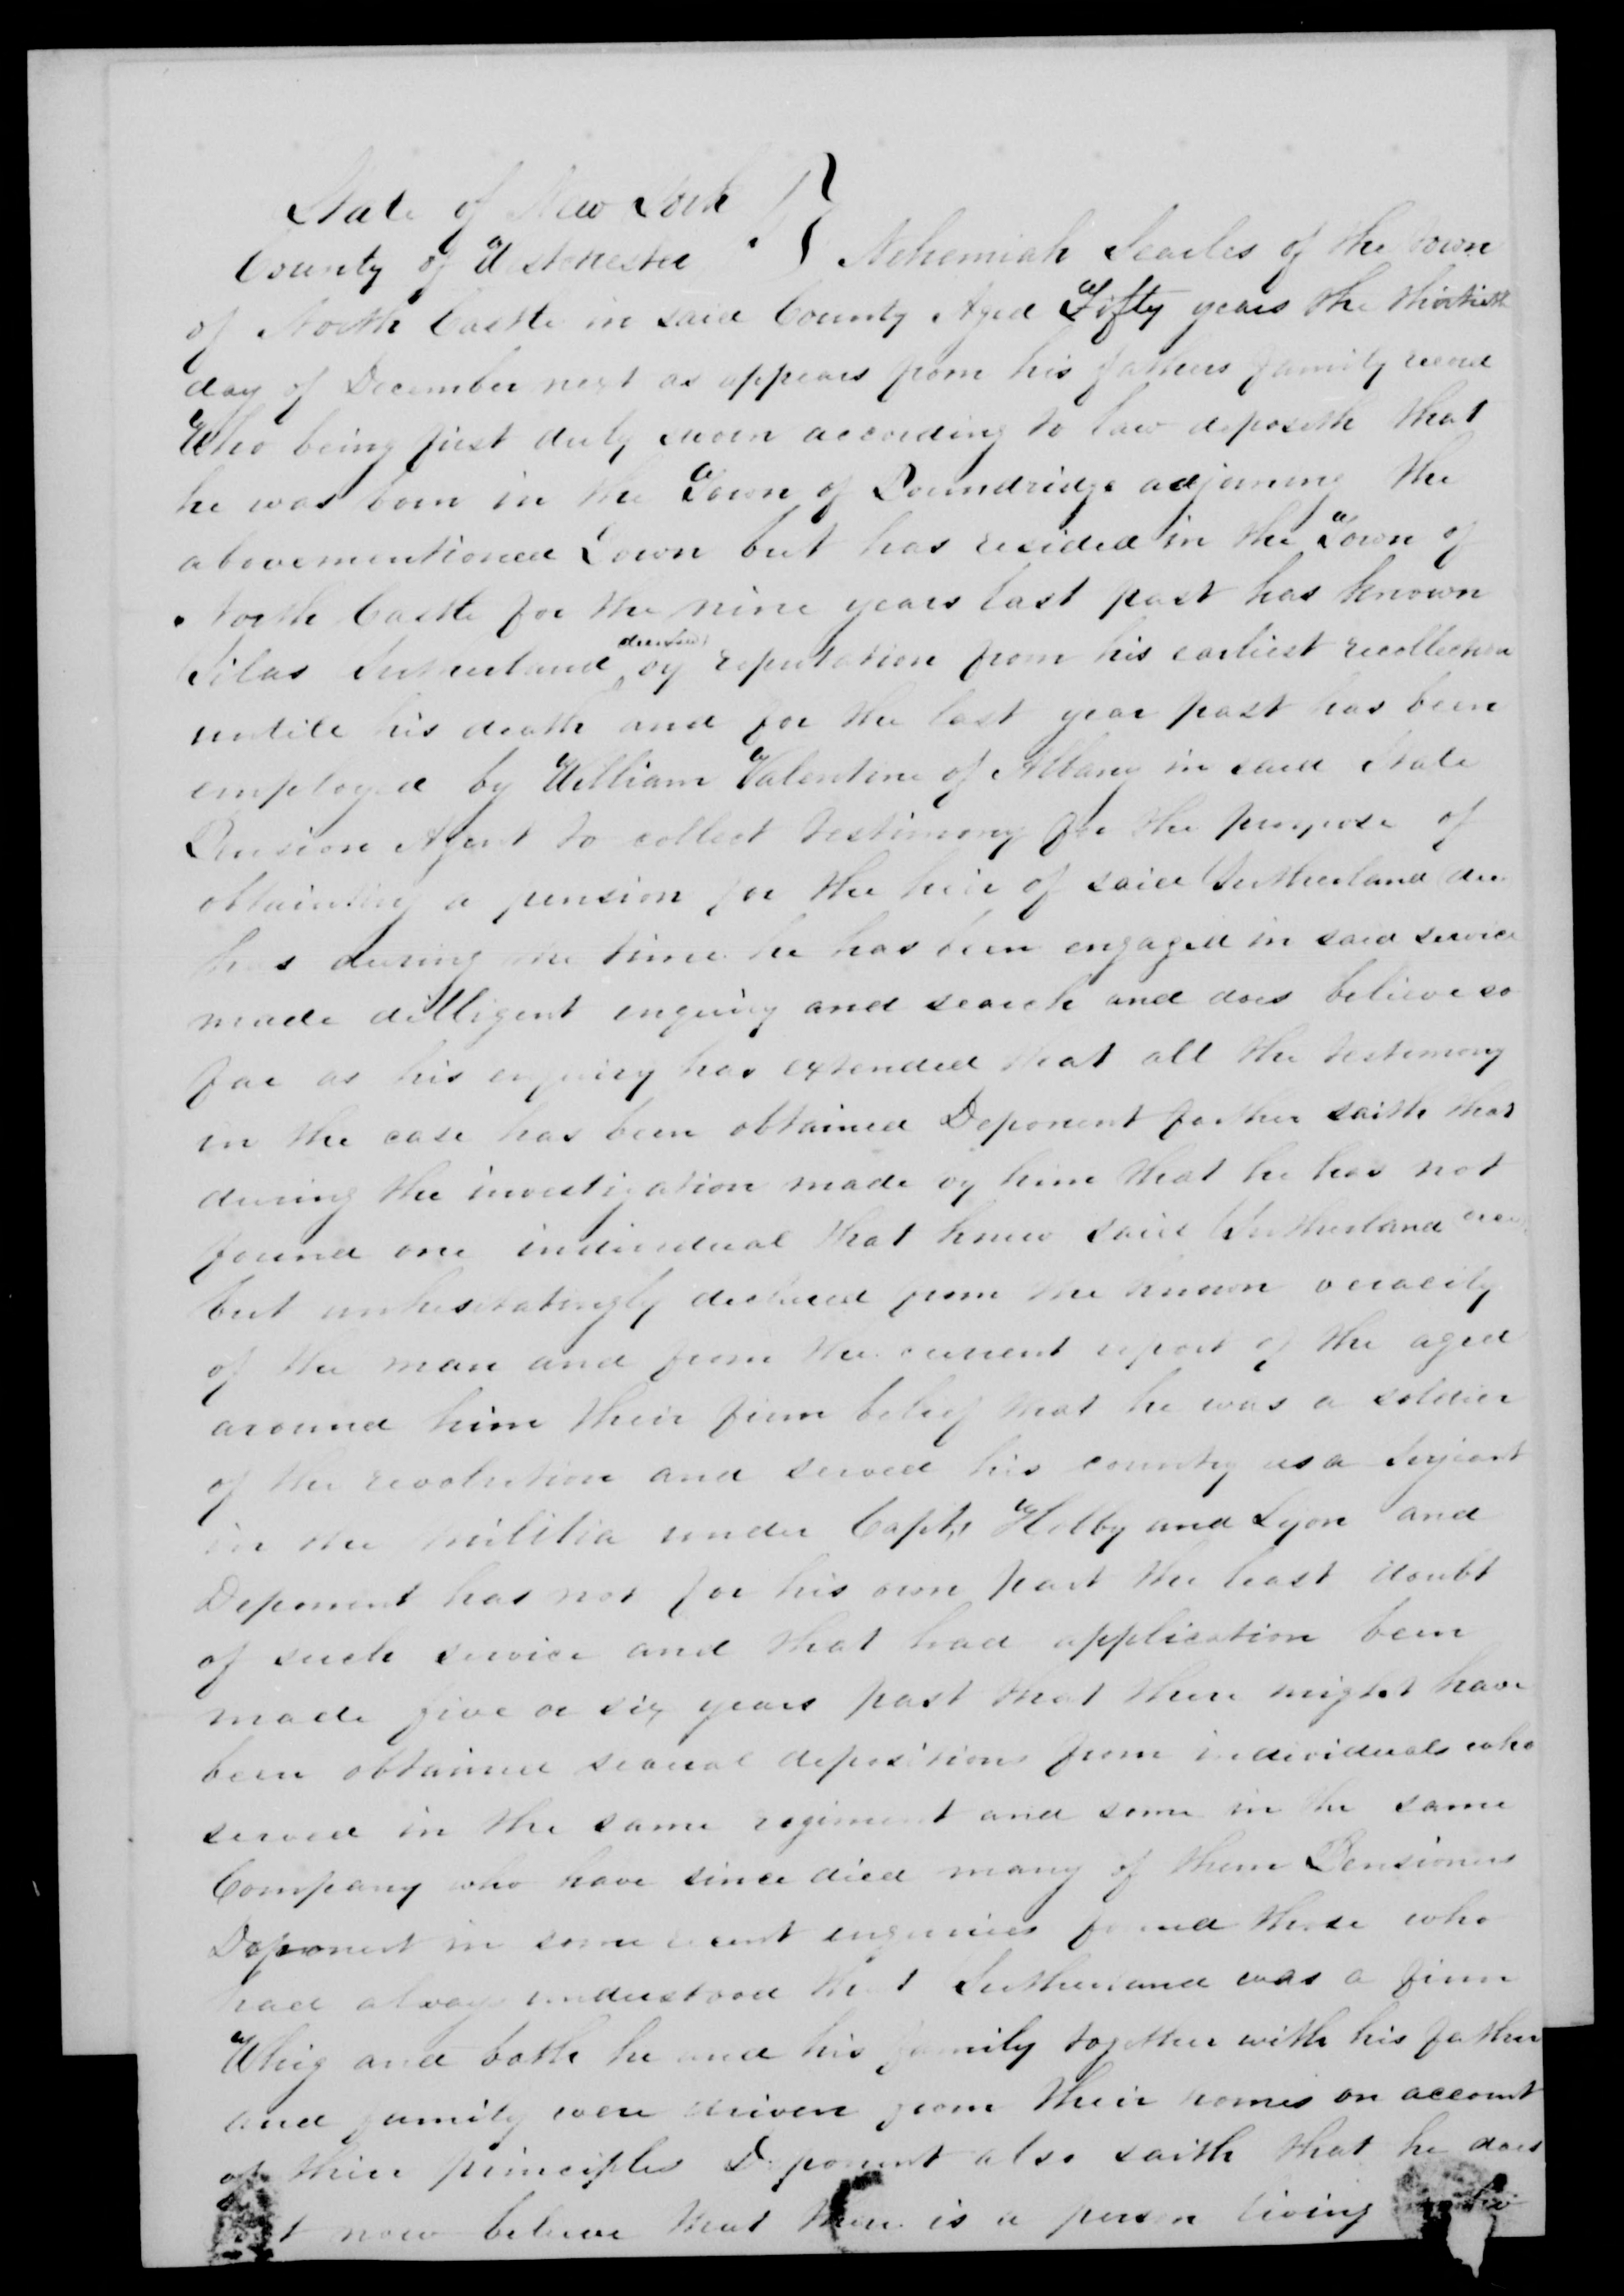State of New York
County of  Westchester Ss} Nehemiah Searles of the Town of North Castle in said County Aged Fifty years the thirtieth day of December next as appears from his fathers family record
Who being first duly sworn according to law deposeth that he was born in the Town of Poundridge adjoining the above mentioned Town but has resided in the Town of North Castle for the nine years last past had known Silas Sunderland & deceased by reputation from his earliest recollection until his death and for the last year past has been employed by William Valentine of Albany in said State Pension Agent to collect Testimony for the purpose of obtaining a pension for the heir of said Sutherland decd has during the time he has been engaged in said service made dilligent enquiry and search and does believe so far as his enquiry has extended that all the testimony in the case has been obtained Deponent further saith that during the investigation made by him that he has not found one individual that knew said Sutherland but unhesitatingly declared from the known [?cilty?] of the man and from the current report of the aged around him their firm belief that he was a soldier of the revolution and served his country as a Sergeant in the militia under Capt Hobby and Lyon and Deponent has not for his own part the least doubt of such service and that had application been made five or six years past that then might have been obtained several    depositions from individuals who had always understood that Sutherland was a firm Whig and both he and his family together with his father and family were driven from their homes on account of their principle  Deponent also saith that he does not now believe that there is a person living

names: [BLANK] Sutherland; Silas Sutherland; [BLANK] Lyon; [BLANK] Hobby; [BLANK] Sutherland; William Valentine; Nehemiah Scarles; [BLANK] Sutherland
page: 52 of 77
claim: survivor's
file: S. 23003, for Silas Southerland, New York